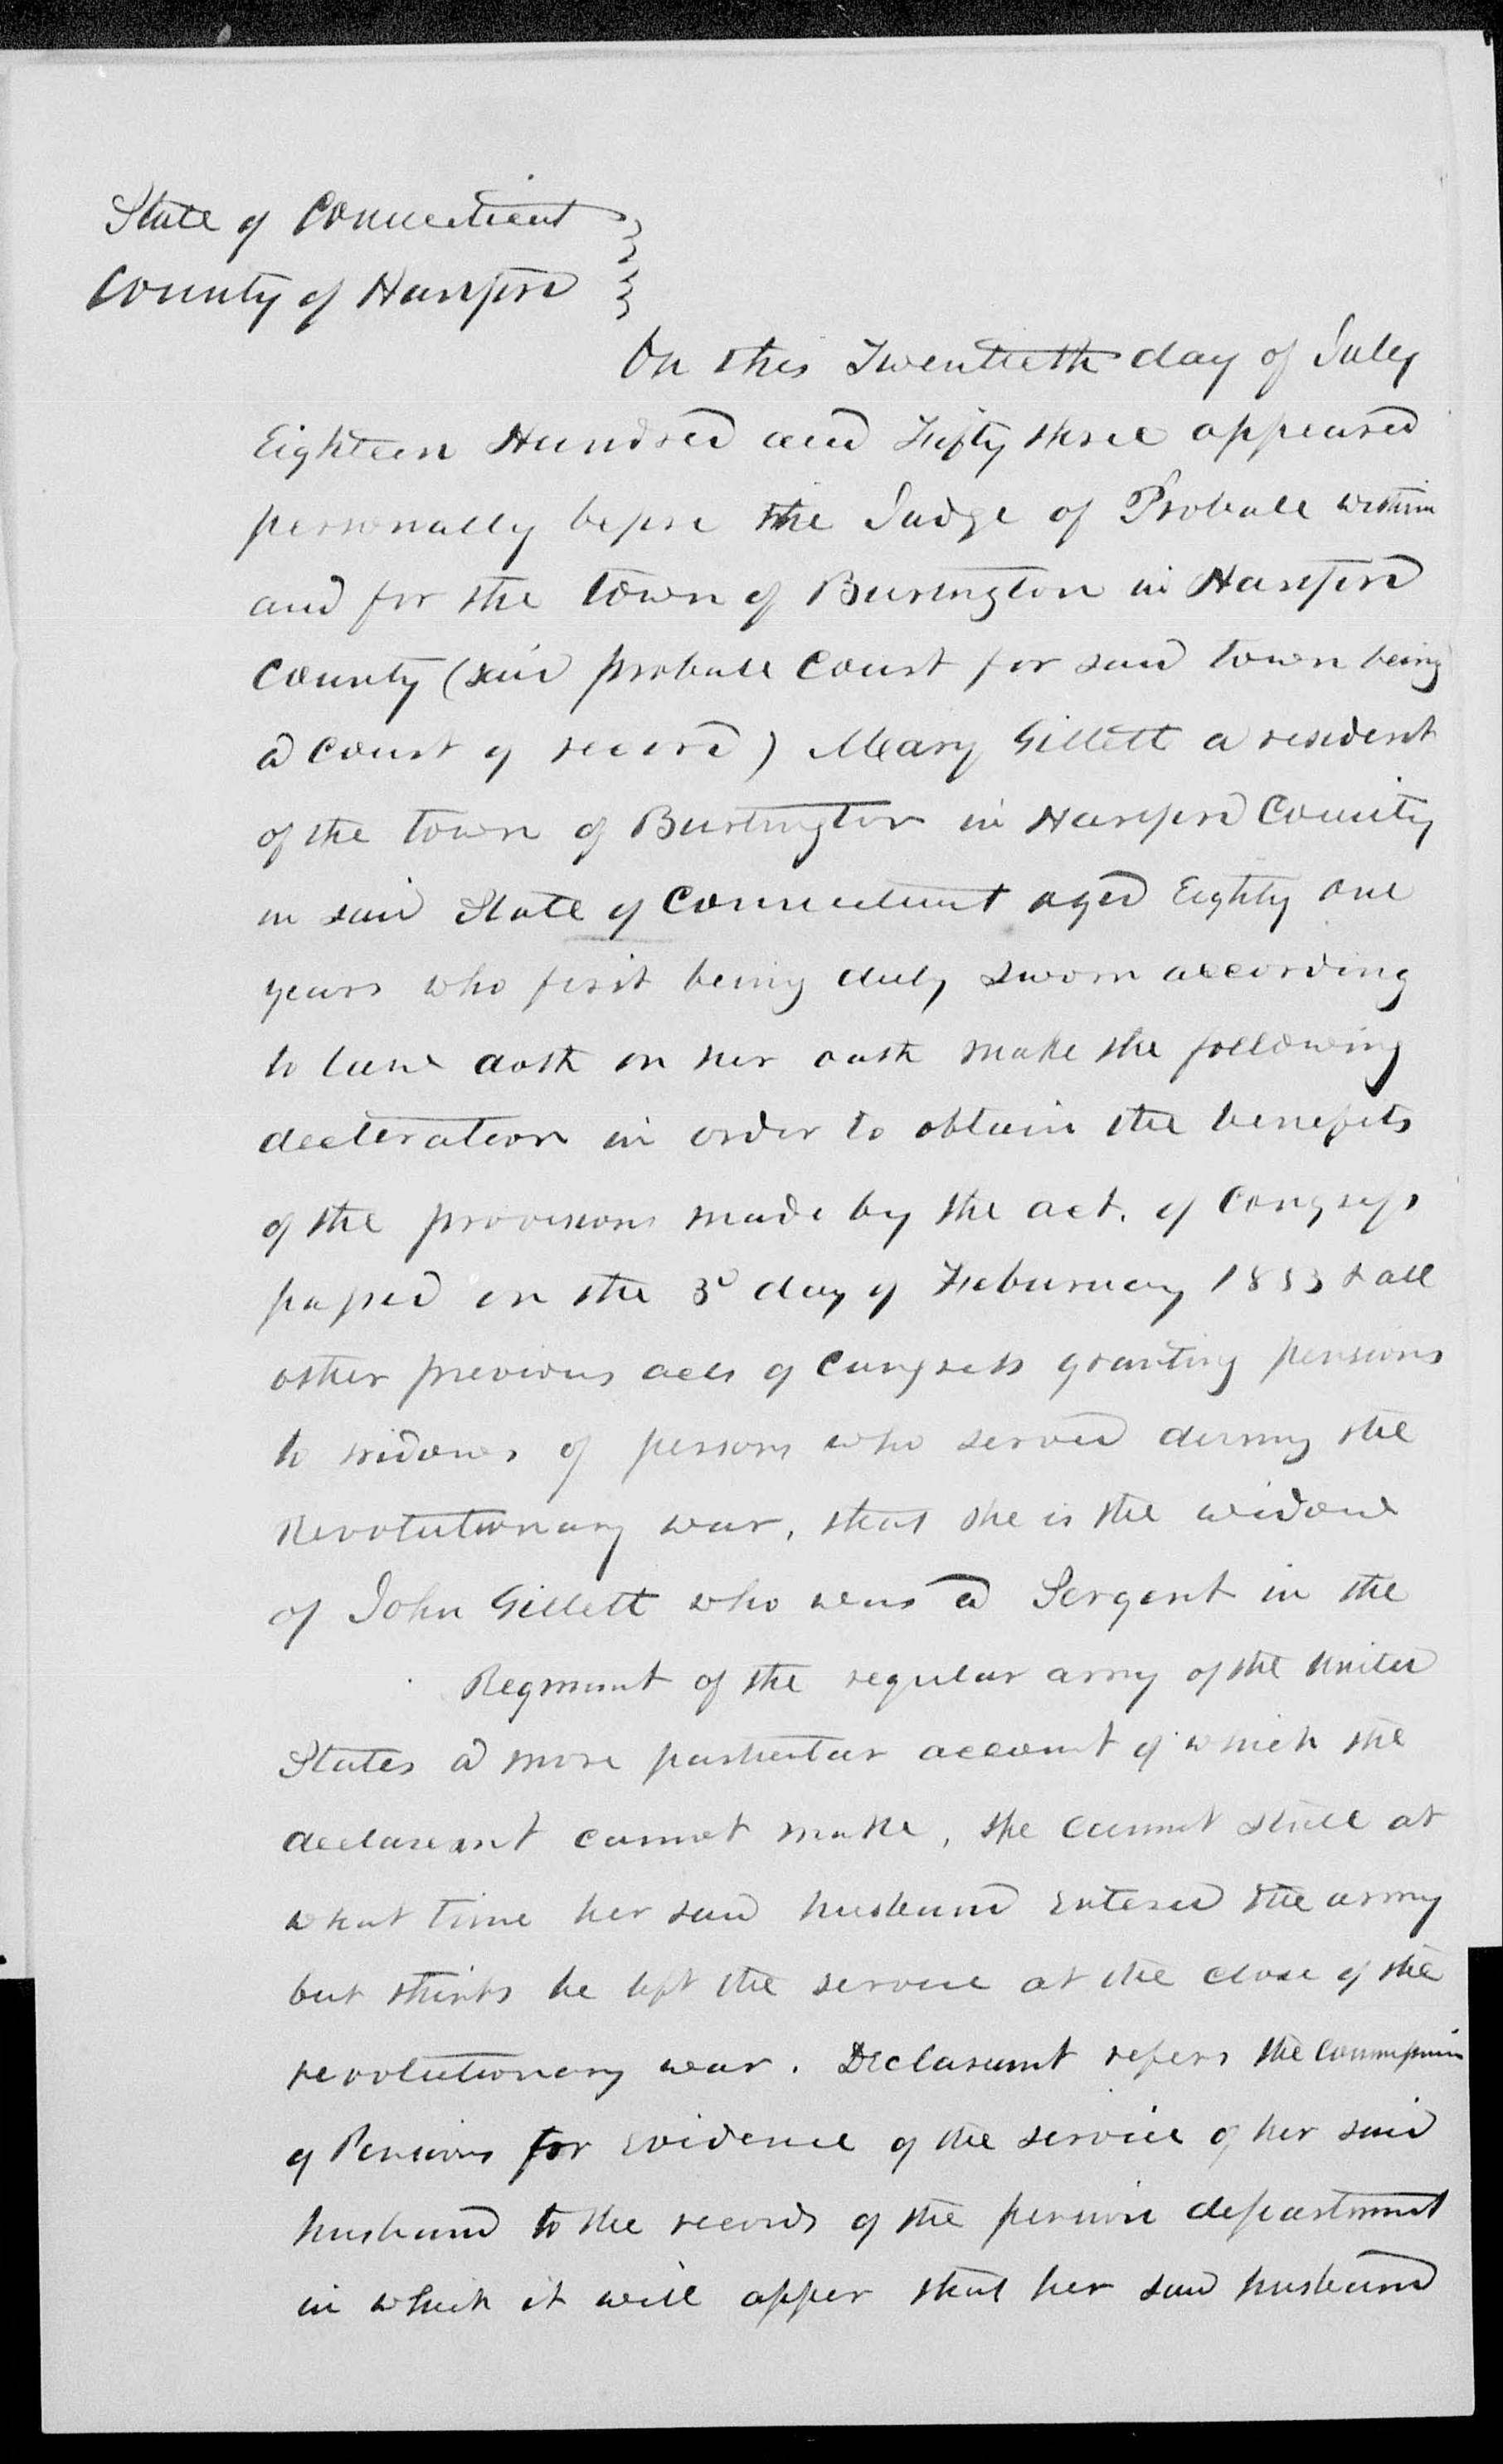State of Connecticut
County of Hartford}
  On this twentieth day of July eighteen hundred and thirty three appeared personally before the Judge of Probate with and for the town  of Burlington in Hartford County  (said  probate court for said town being a court of record) Mary Gillett [sic] a resident of the Town of Burlington in Hartford County in said State of Connecticut aged eighty one years who first being duly sworn according to law doth on her oath make the following declaration in order to obtain the benefits of the provisions made by the act of Congress passed on the 3rd day of February 1833 & all other previous acts of Congress granting pensions to widows of persons who served during the Revolutionary war, that she is the widow of John Gillett who was a Sergeant in the Regiment of the regular army of the United States a more particular account of which the declarant cannot make.  She cannot [illegible word] at what time her said husband entered the army but thinks he left the service at the close of the revolutionary war, Declarant refers the Commissioner of Pensions for evidence of the service of her said husband to the records of the pension department in which it will apper [sic] that her said husband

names: John Gillett, Mary Gillett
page: 5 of 40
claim: survivor's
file: S. 36,537 And R. 4034, John Gillet, Conn.